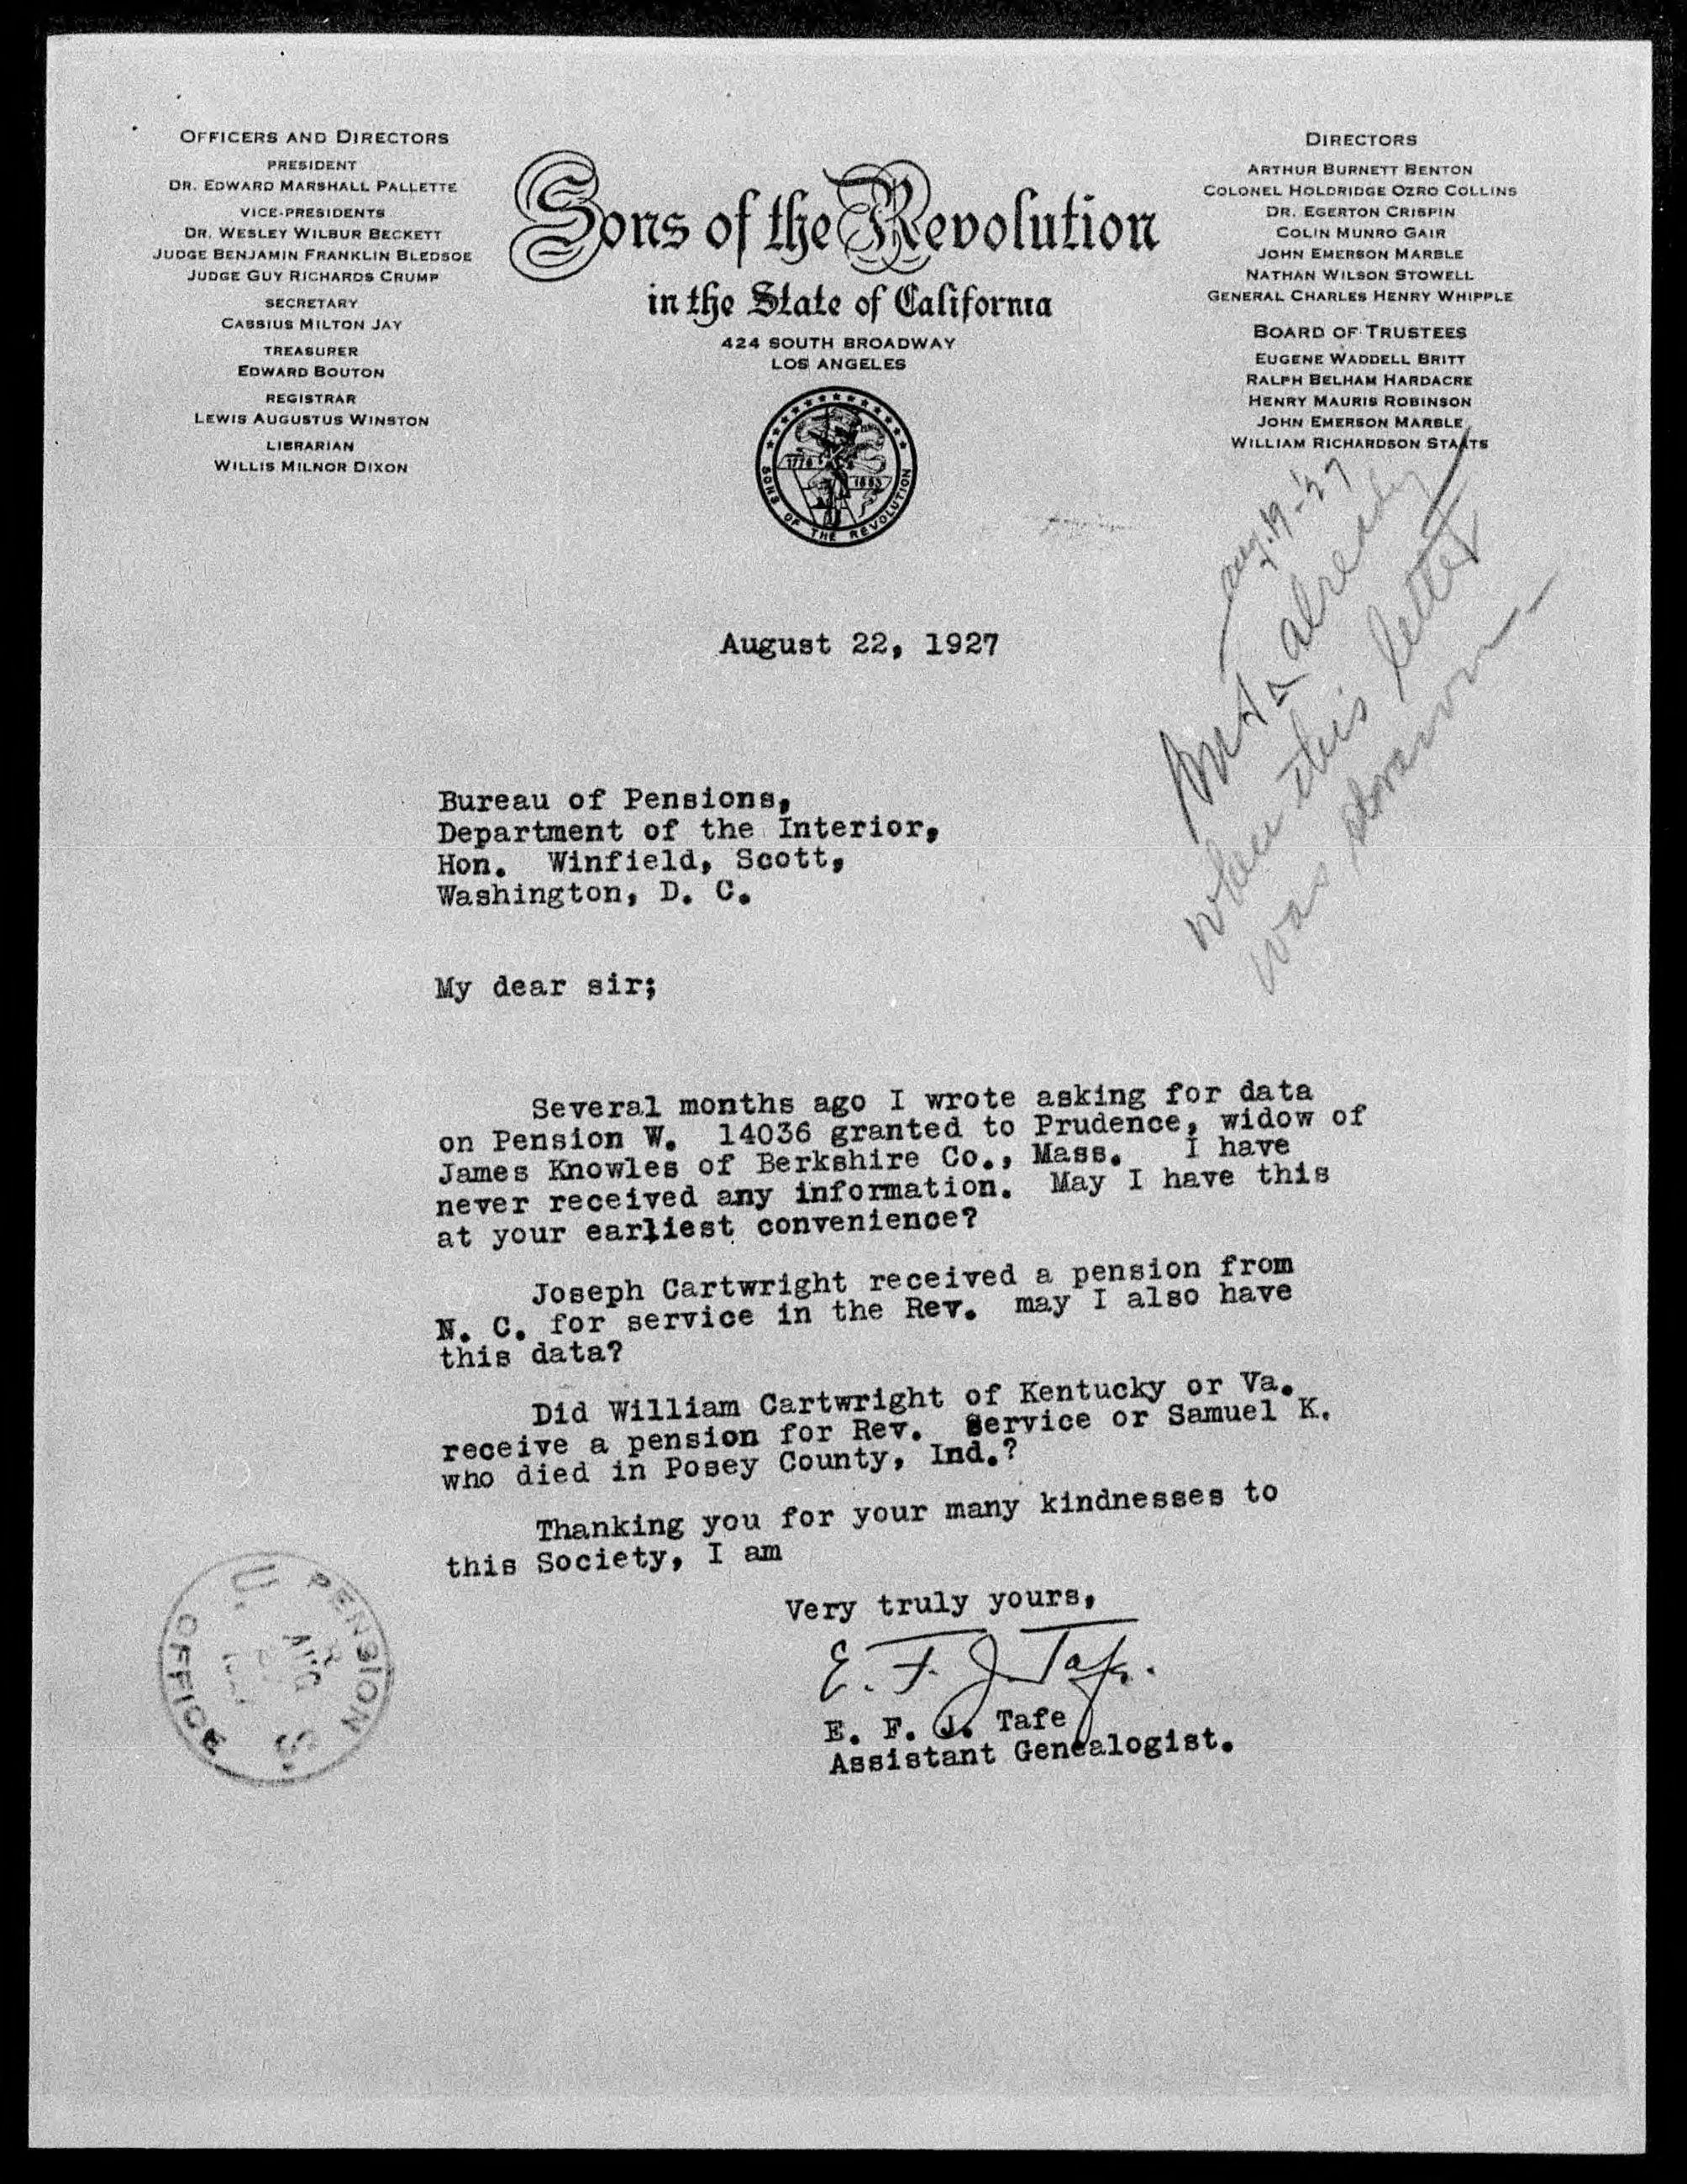Sons of the Revolution in the State of California
424 South Broadway  Los Angeles

Officers and Directors
President Dr. Edward Marshall Pallette
Vice-Presidents Dr. Wesley Wilbur Beckett Judge Benjamin Franklin Bledsoe,  Judge Guy Richards Crump
Secretary Cassius Milton Jay
Treasurer Edward Bouton
Registrar Lewis Augustus Winston
Librarian Willis Milnor Dixon

Directors
Arthur Burnett Benton. Colonel Holdridge Ozro Collins, Dr. Egerton Crispin, Colin Munro Gair, John Emerson Marble,
Nathan Wilson Stowell, General Charles Henry Whipple

Board of Trustees
Eugene Waddell Britt, Ralph Belham Hardacre, Henry Mauris Robinson, John Emerson Marble, William Richardson Starts 

August 22, 1927

(handwritten on slant next to date)
Aug. 19-'27Ansd already where this letter was drawn--

Bureau of Pensions, 
Department of the Interior,
Hon. Winfield, Scott, 
Washington, D. C.

My dear sir;
Several months ago I wrote asking for data on Pension W. 14036 granted to Prudence, widow of James Knowles of Berkshire Co., Mass. I have never received any information. May I have this at your earliest convenience?
Joseph Cartwright received a pension from N. C. for service in the Rev. May I also have this data?
Did William Cartwright of Kentucky or Va. receive a pension for Rev. Service or Samuel K. who died in Posey County, Ind.?
Thanking you for your many kindnesses to this Society, I am

Very truly yours,
(signed) E. F. Tafe
E. F. Tafe
Assistant Genealogist.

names: Ralph Belham Hardacre; William Richardson Staats; Nathan Wilson Stowell; William Cartwright; Willis Milnor Dixon; Egerton Crispin; Edward Marshall Pallette; Joseph Cartwright; Charles Henry Whipple; E F J Tafe; Edward Bouton; Colin Munro Gair; Arthur Burnett Benton; Winfield Scott; John Emerson Marble; Holdridge Ozro Collins; Prudence [BLANK]; Guy Richards Crump; Eugene Waddell Britt; Henry Mauris Robinson; Samuel K [BLANK]; Cassius Milton Jay; Lewis Augustus Winston; James Knowles; Benjamin Franklin Bledsoe; Wesley Wilbur Beckett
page: 58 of 60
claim: widow's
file: W. 14,036, for James Knowles, Connecticut